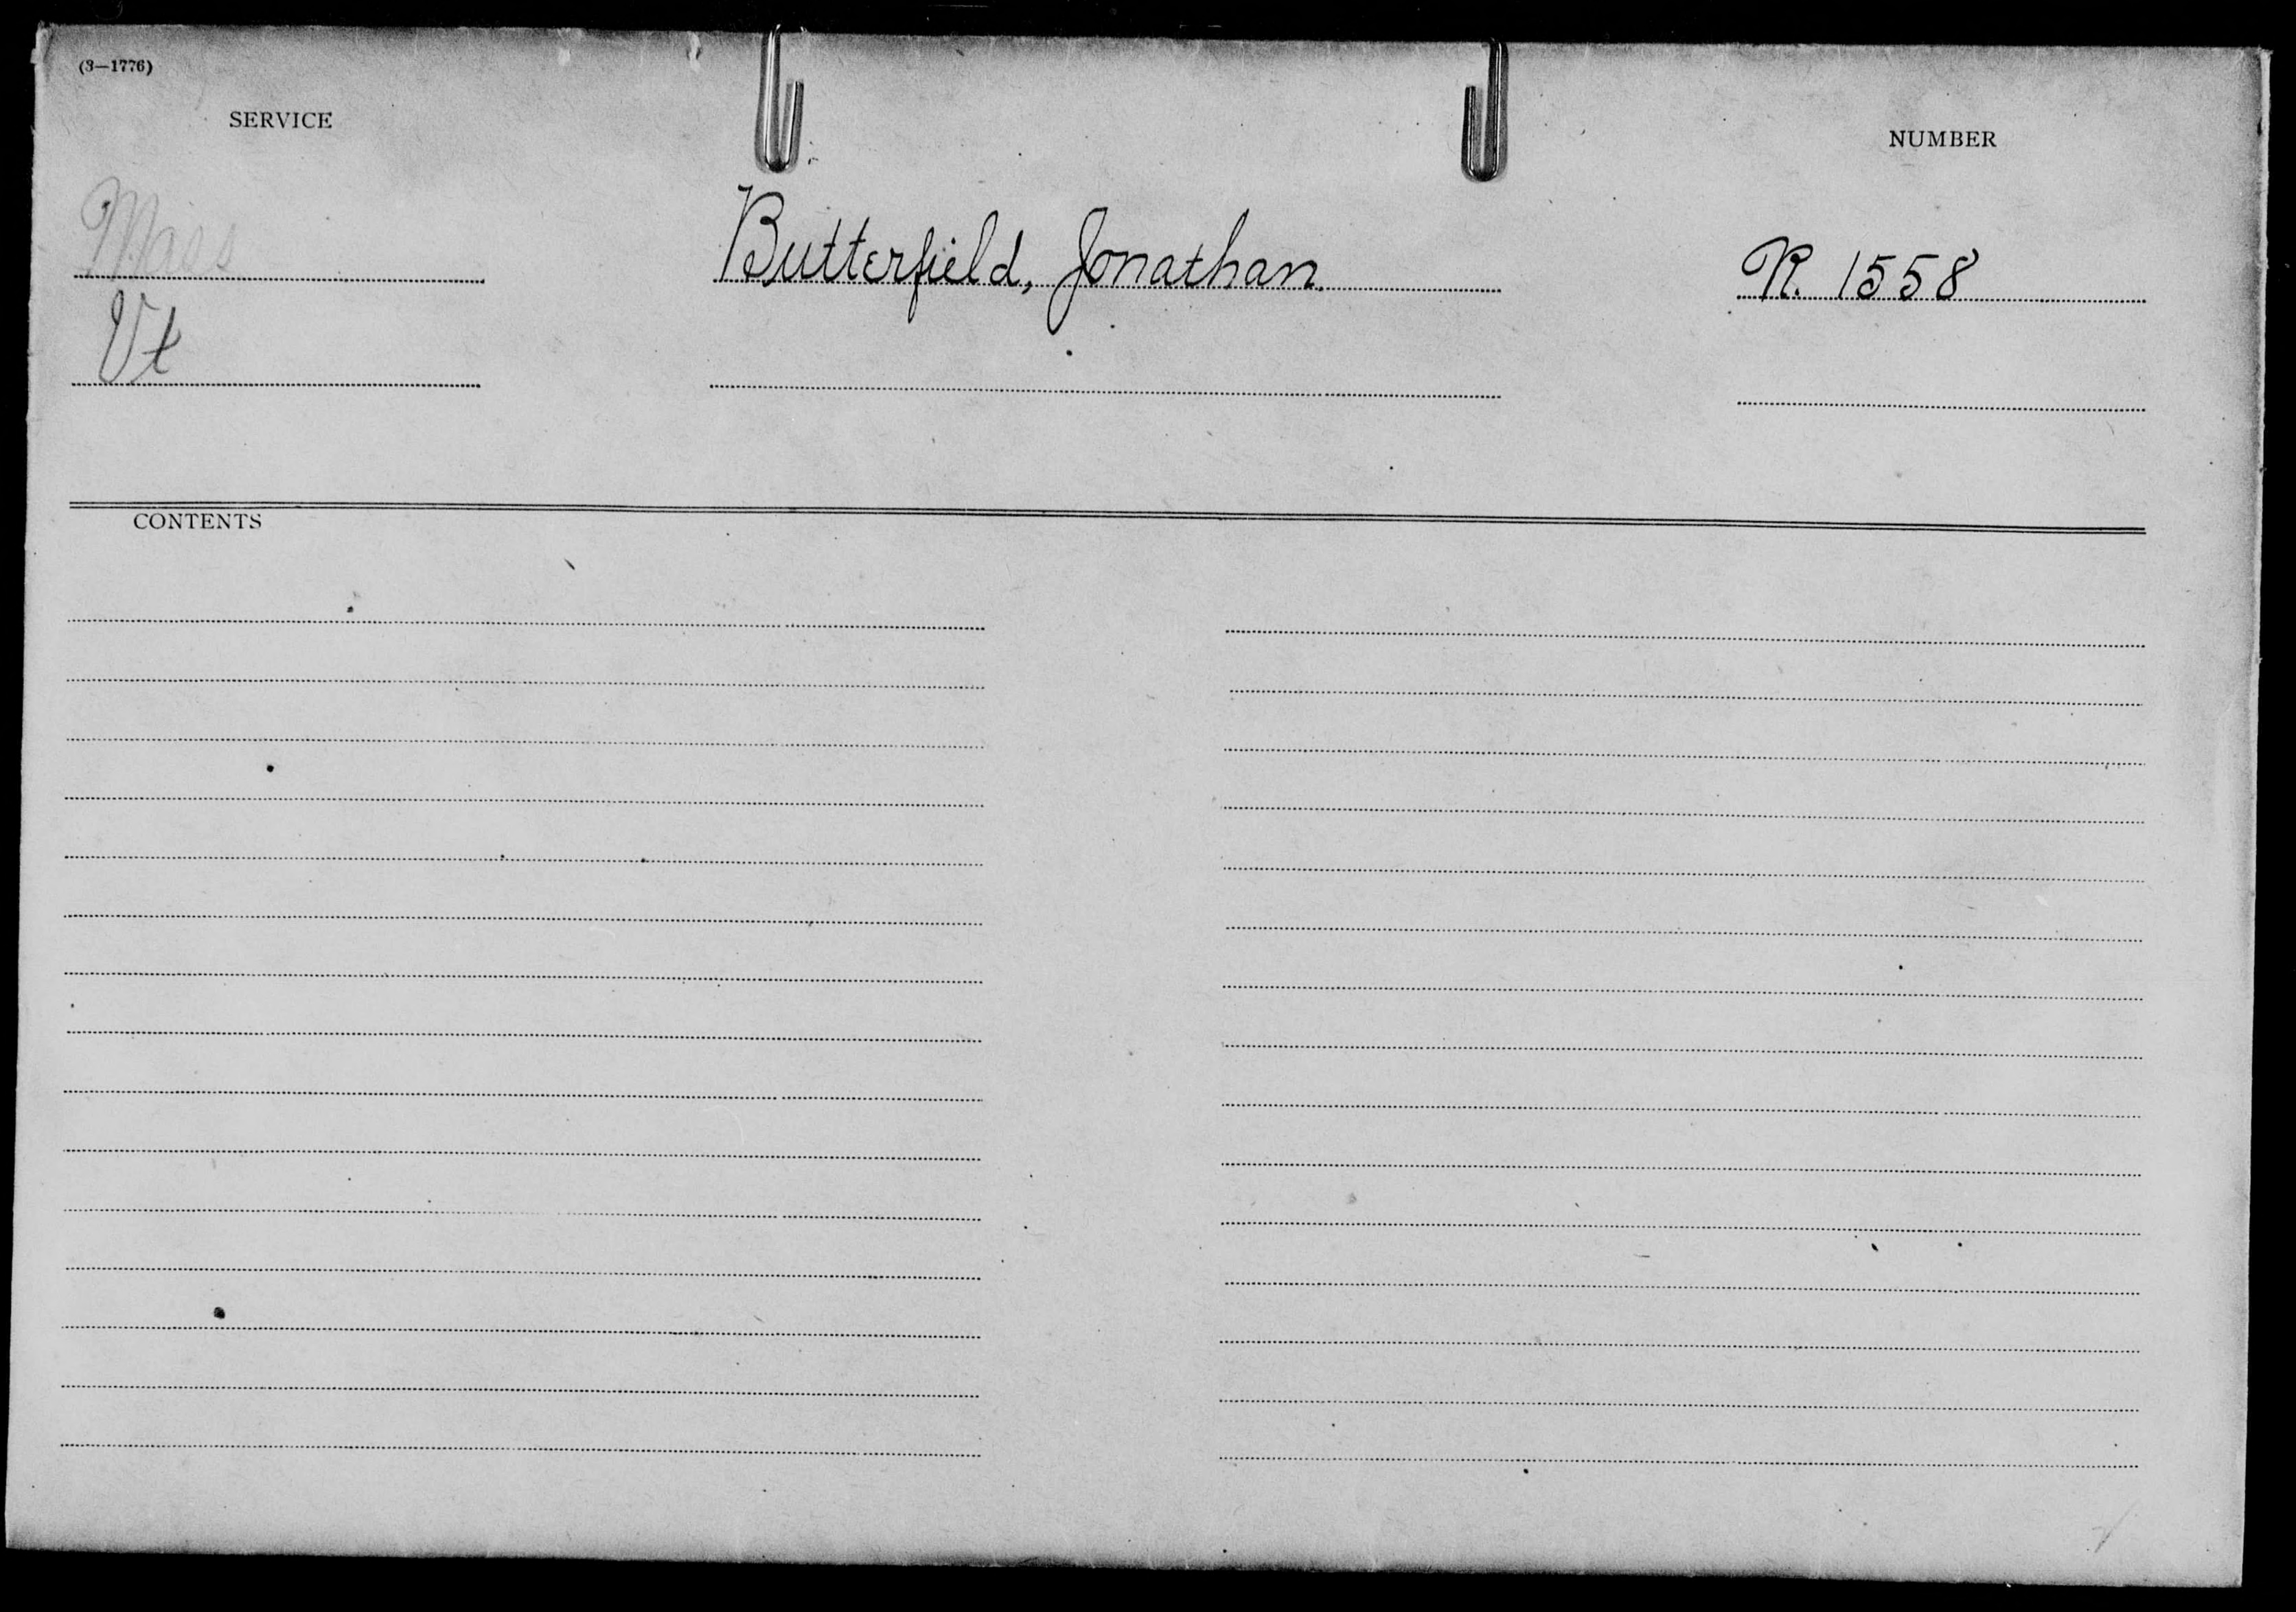SERVICE
Mass
VT.
CONTENTS
●
Butterfield, Jonathan

NUMBER
R. 1558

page: 1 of 40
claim: rejected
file: R. 1558, Jonathan Butterfield, Mass. Vt.